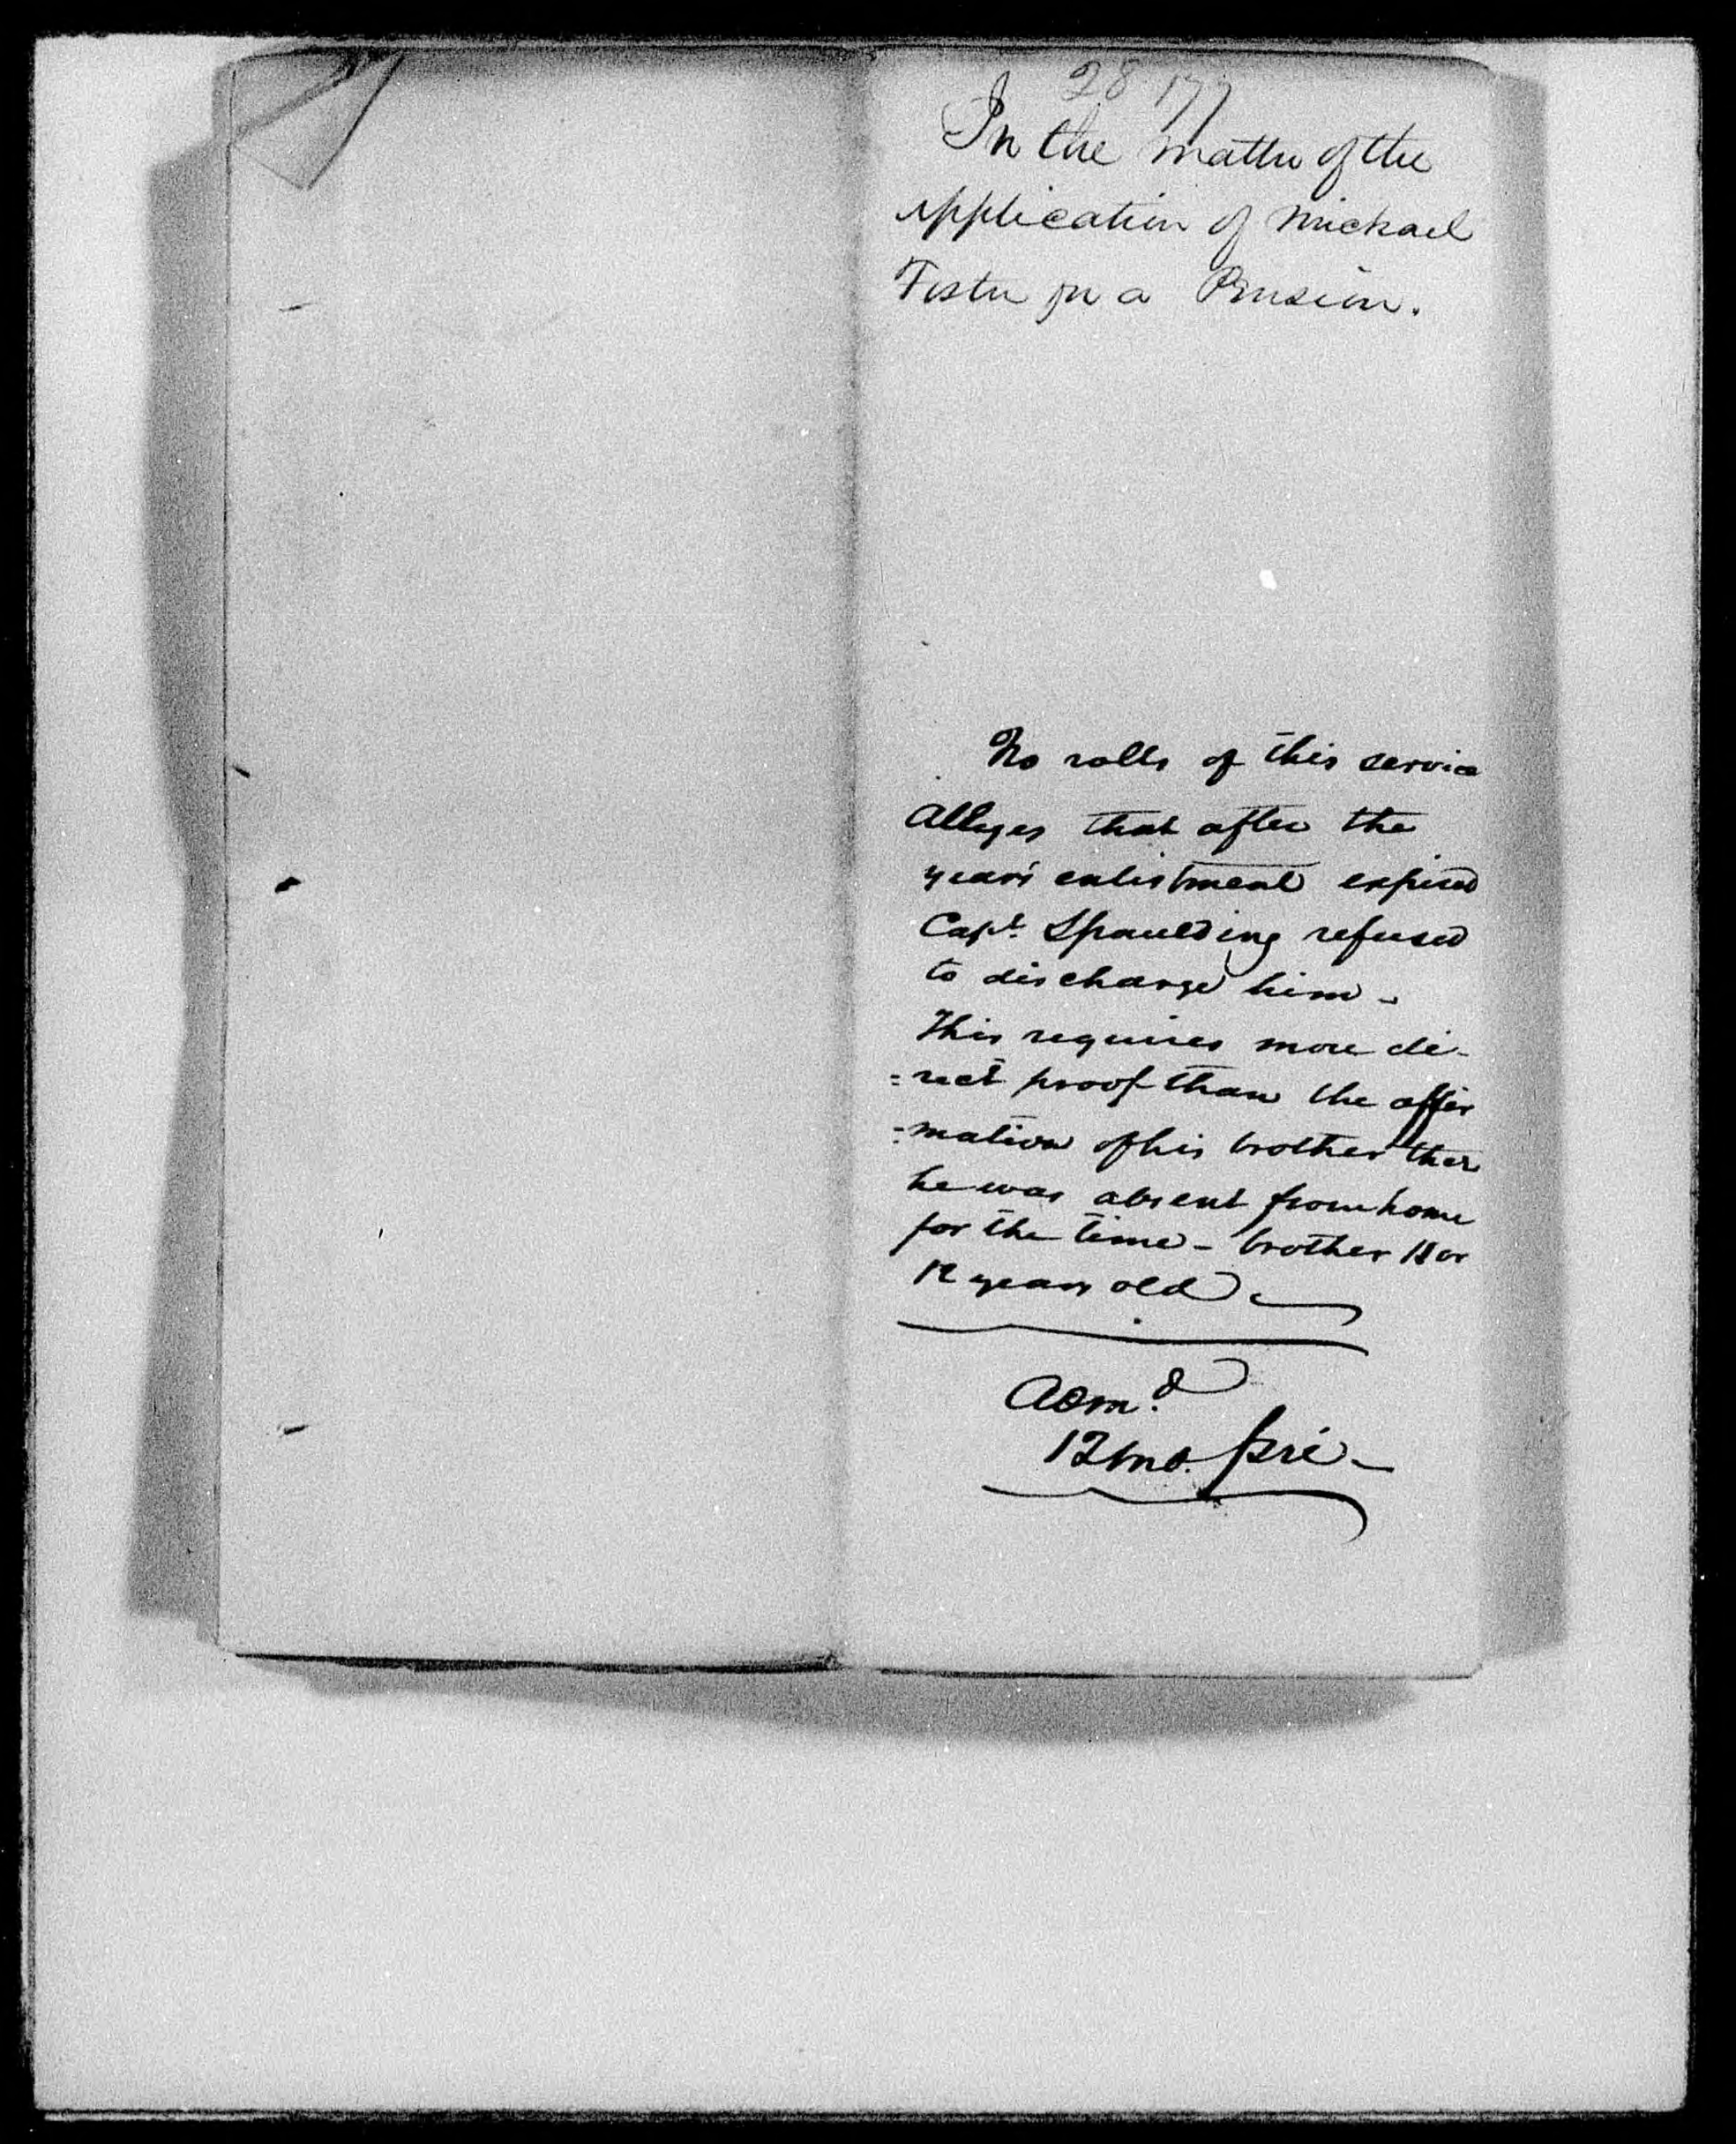28177
In the matter of the application of Michael Foster on a Pension.






No rolls of this service alleges that after the year's enlistment expired Capt. Spaulding refused to discharge him--This requires more direct proof tan the affirmation of his brother that he was absent from home for the time-brother 11 or 12 years old.
___________________________________
Adm'd
12 mo pri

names: Spaulding, Michael Foster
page: 5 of 57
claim: widow's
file: W. 5275 1/2, Michael Foster, Penn.